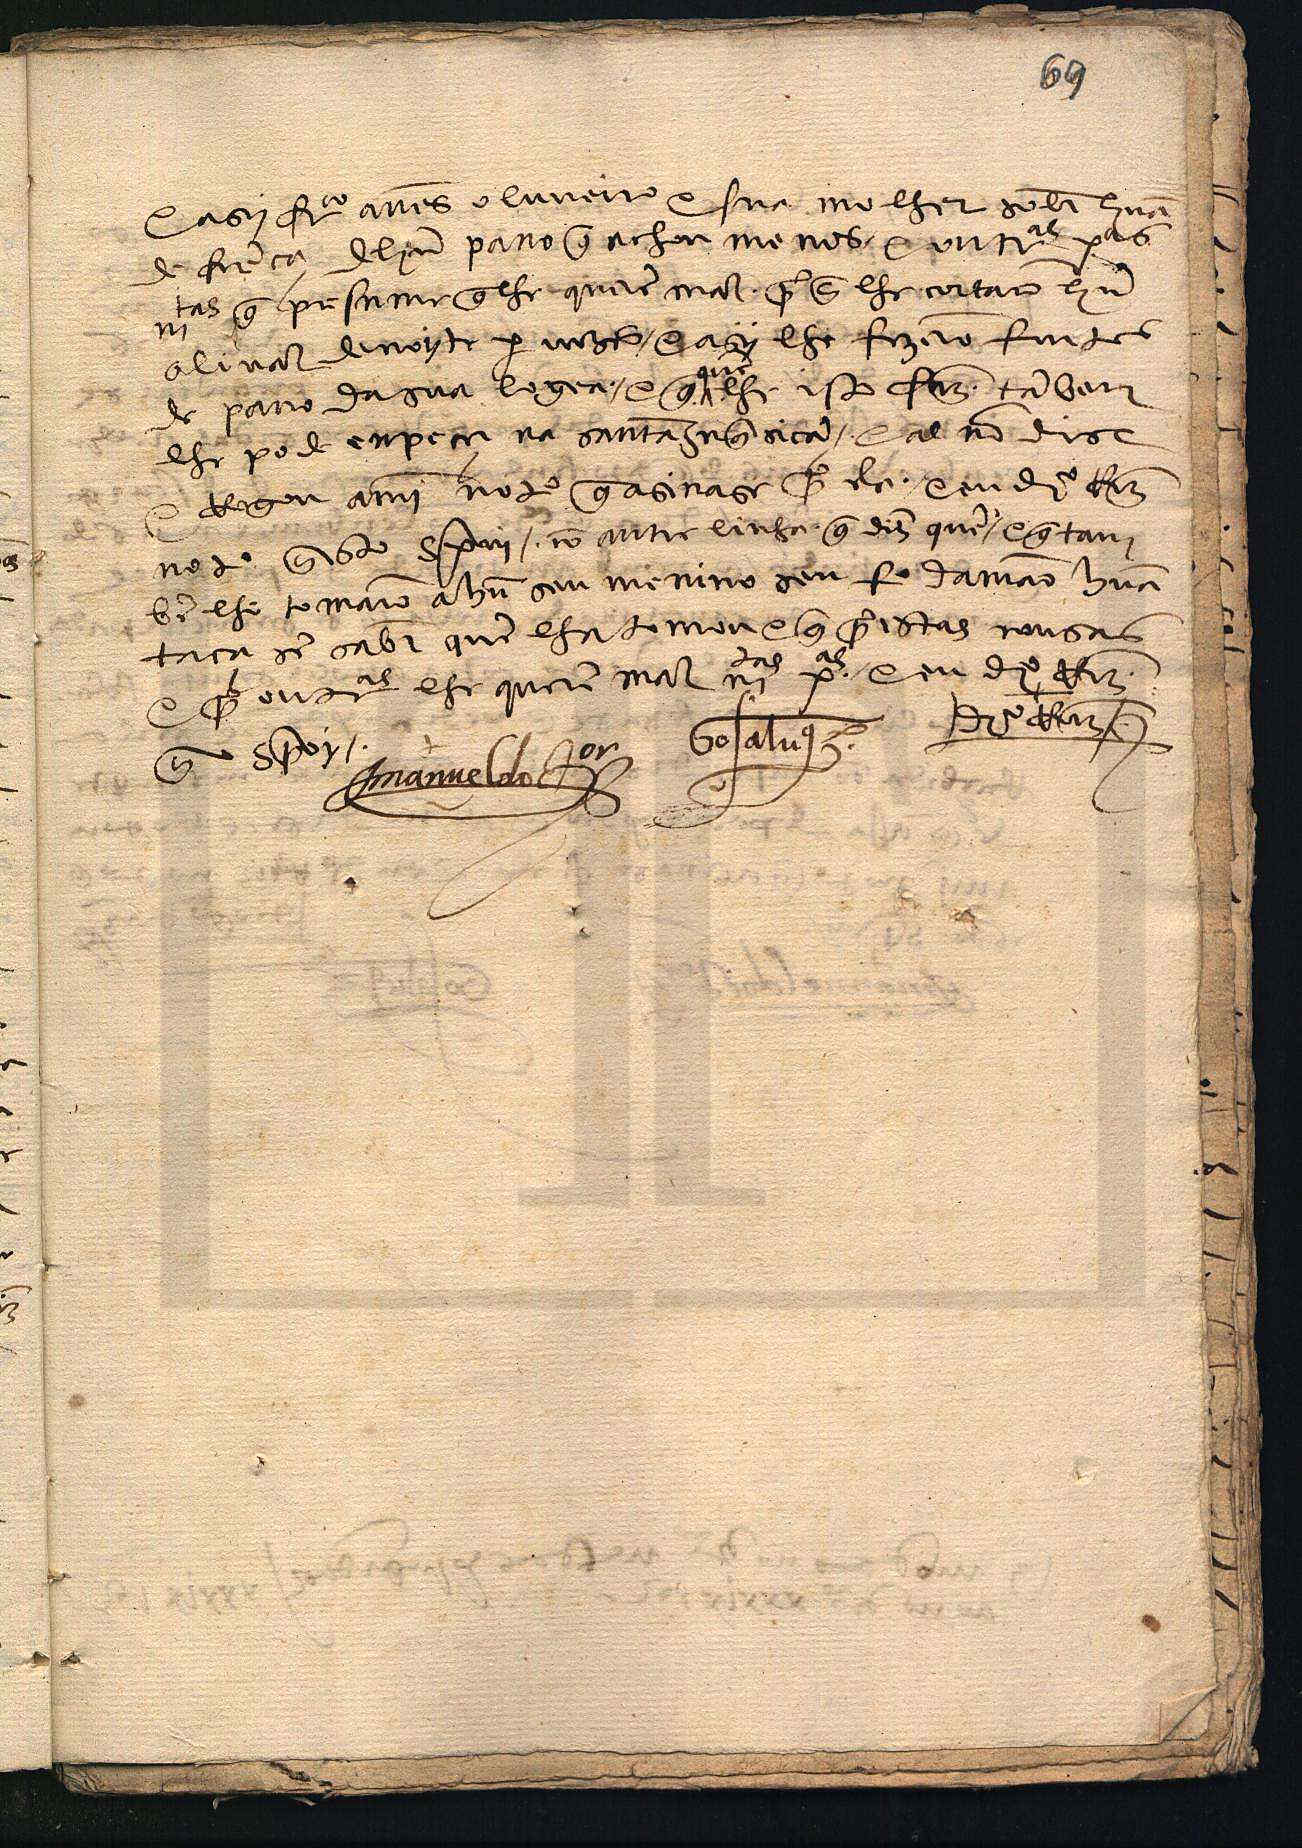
e asy frco an̄es o luneiro e sua molher sōbr huā
defrēça de hū pano q̄ achou menos e outras pas
mtas q̄ presume q̄ lhe querē mal. p̄oq̄ lhe cortarō hū
oliual de noyte ꝑ uezes / e asy lhe fezerō furtos
de pano da sua logea / e q̄ quē lhe isto faz. tābem
lhe pode enpecer na santa Jnq̄siçā / e al nō dise
e Rogou a mj̄ noto q̄ asinase p̄o ela. e eu dio Rōz
noto q̄ esto sp̄vy /. c̄o antrelinha q̄ diz quē / e q̄ tam
bē lhe tomarō a hū seu menino seu fo da mão huā
taça sē sab̄r quē lha tomou e q̄ p̄o estas cousas
e p̄o outras lhe querē mal mtas pas. / e eu djo Rōz
q̄ o sp̄vy /.
Gosaluꝯ
dio Rōiz
Jmanuel doctor
